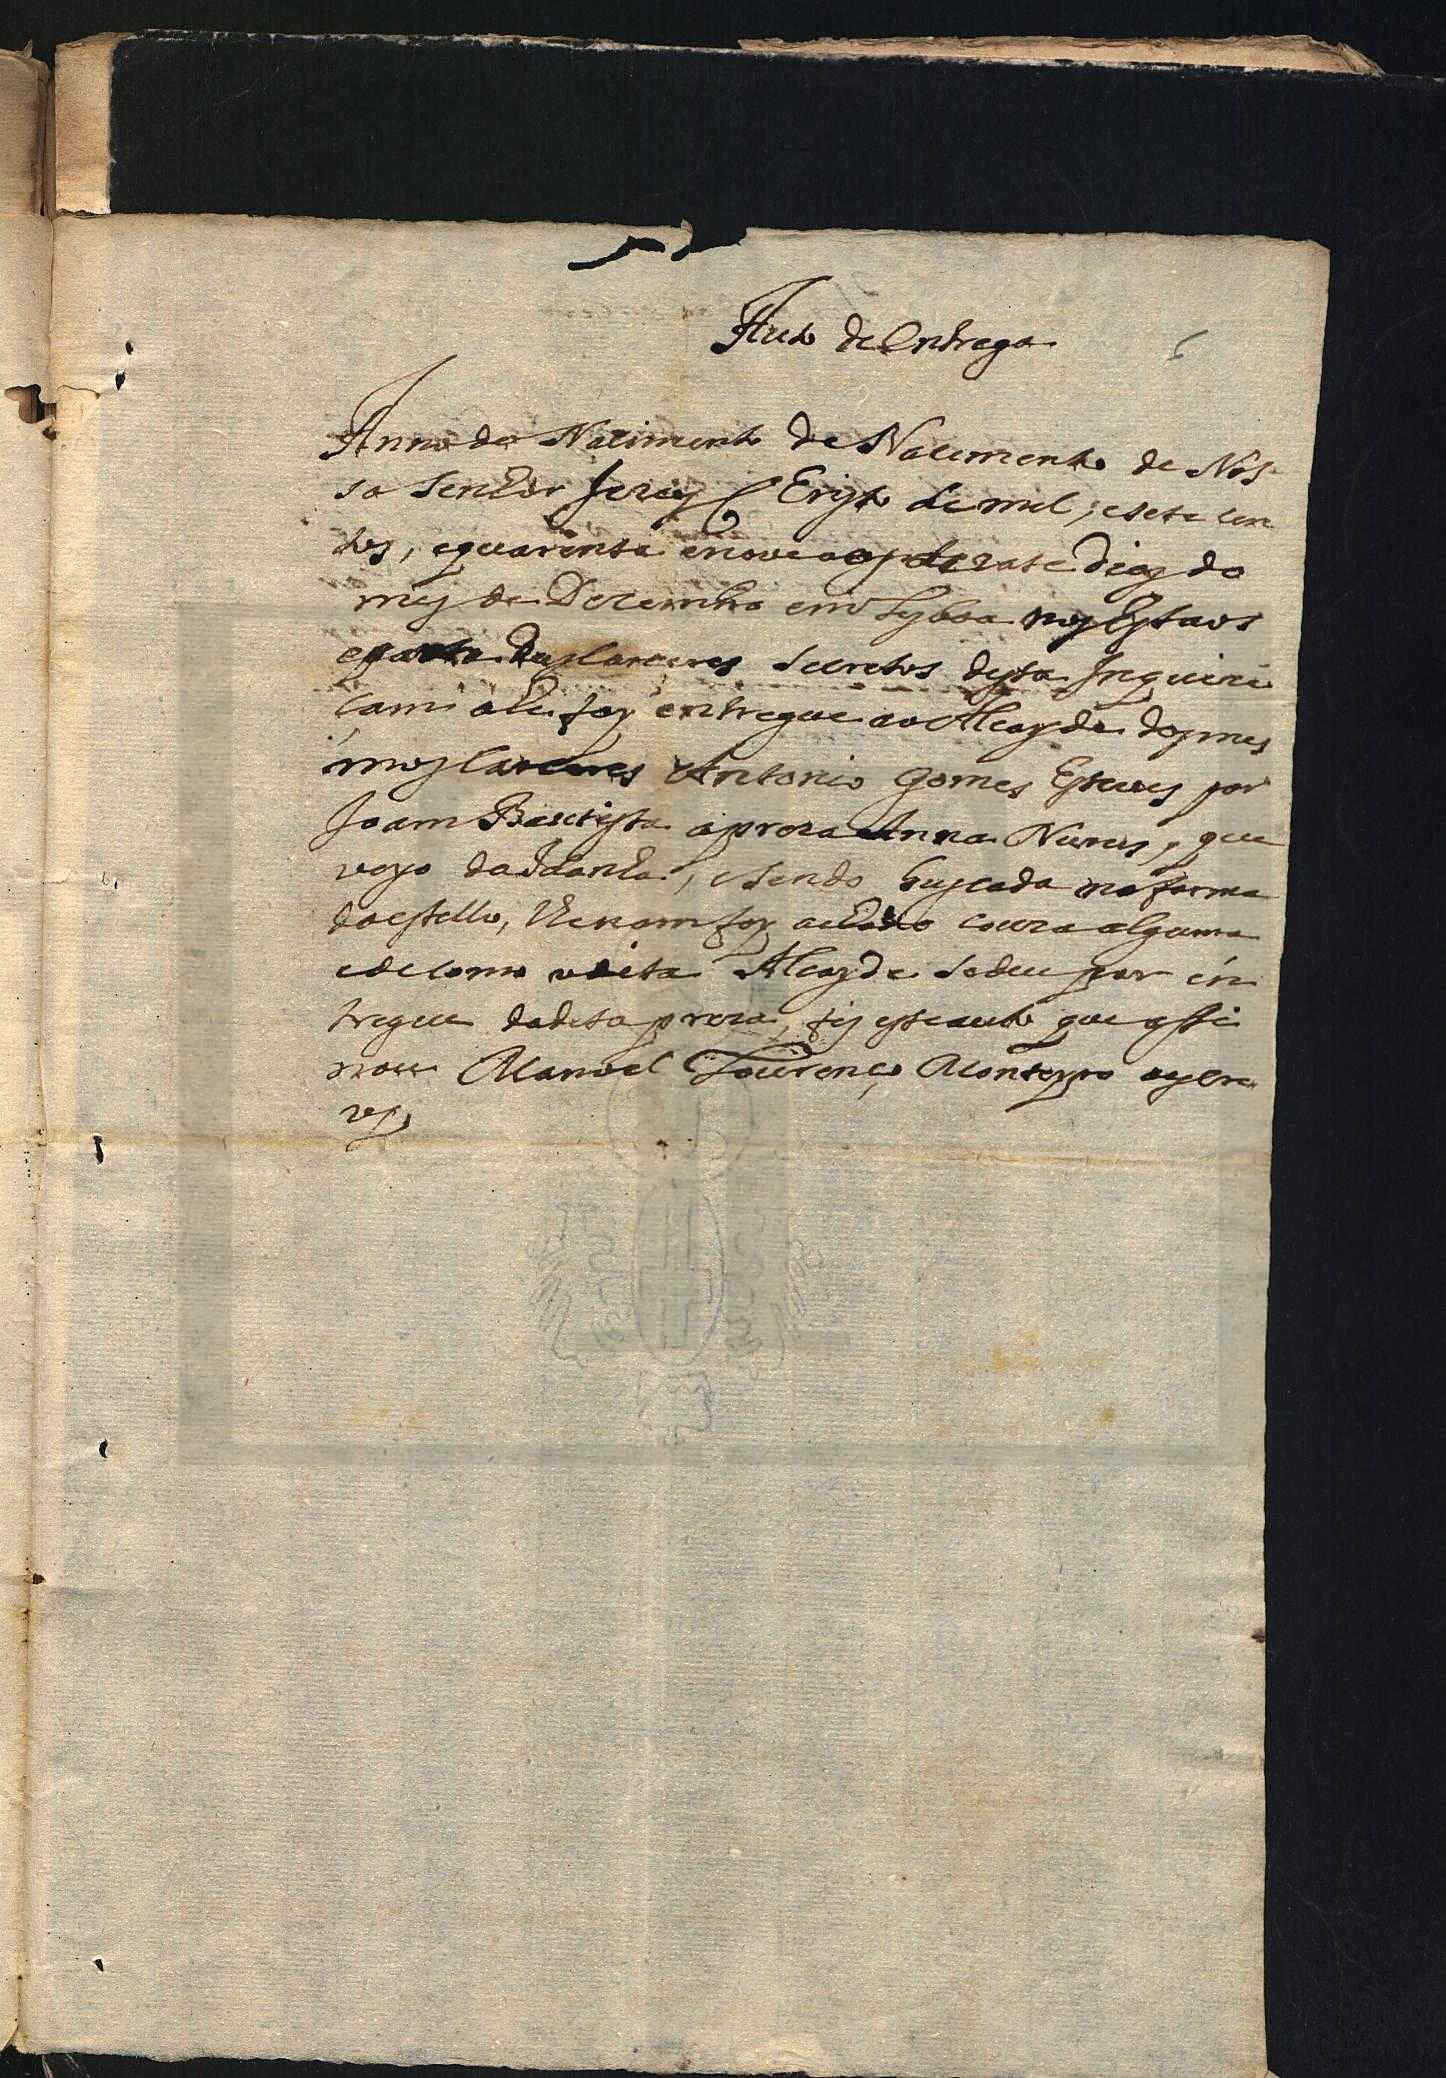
Auto de entrega
6
Anno do Nacimento de Nacimento de Nos
so senhor Jezus Christo de mil, e setecen
tos, e quarenta e nove aos dezate dias do
mes de Dezembro em Lisboa nos Estaos
e parte dos carceres secretos desta Jnquizi
çam ahi foy entregue ao Alcayde dos mes
mos carceres Antonio Gomes Esteues por
Joam Bautista a preza Anna Nunes, que
veyo da Idanha; e sendo buscada na forma
do estello, lhe nam foy achado couza alguma
e de como o dito Alcayde se deu por en
tregue da dita preza, fis este auto que assi
nou Manoel Lourenço Monteyro o escre
vj
